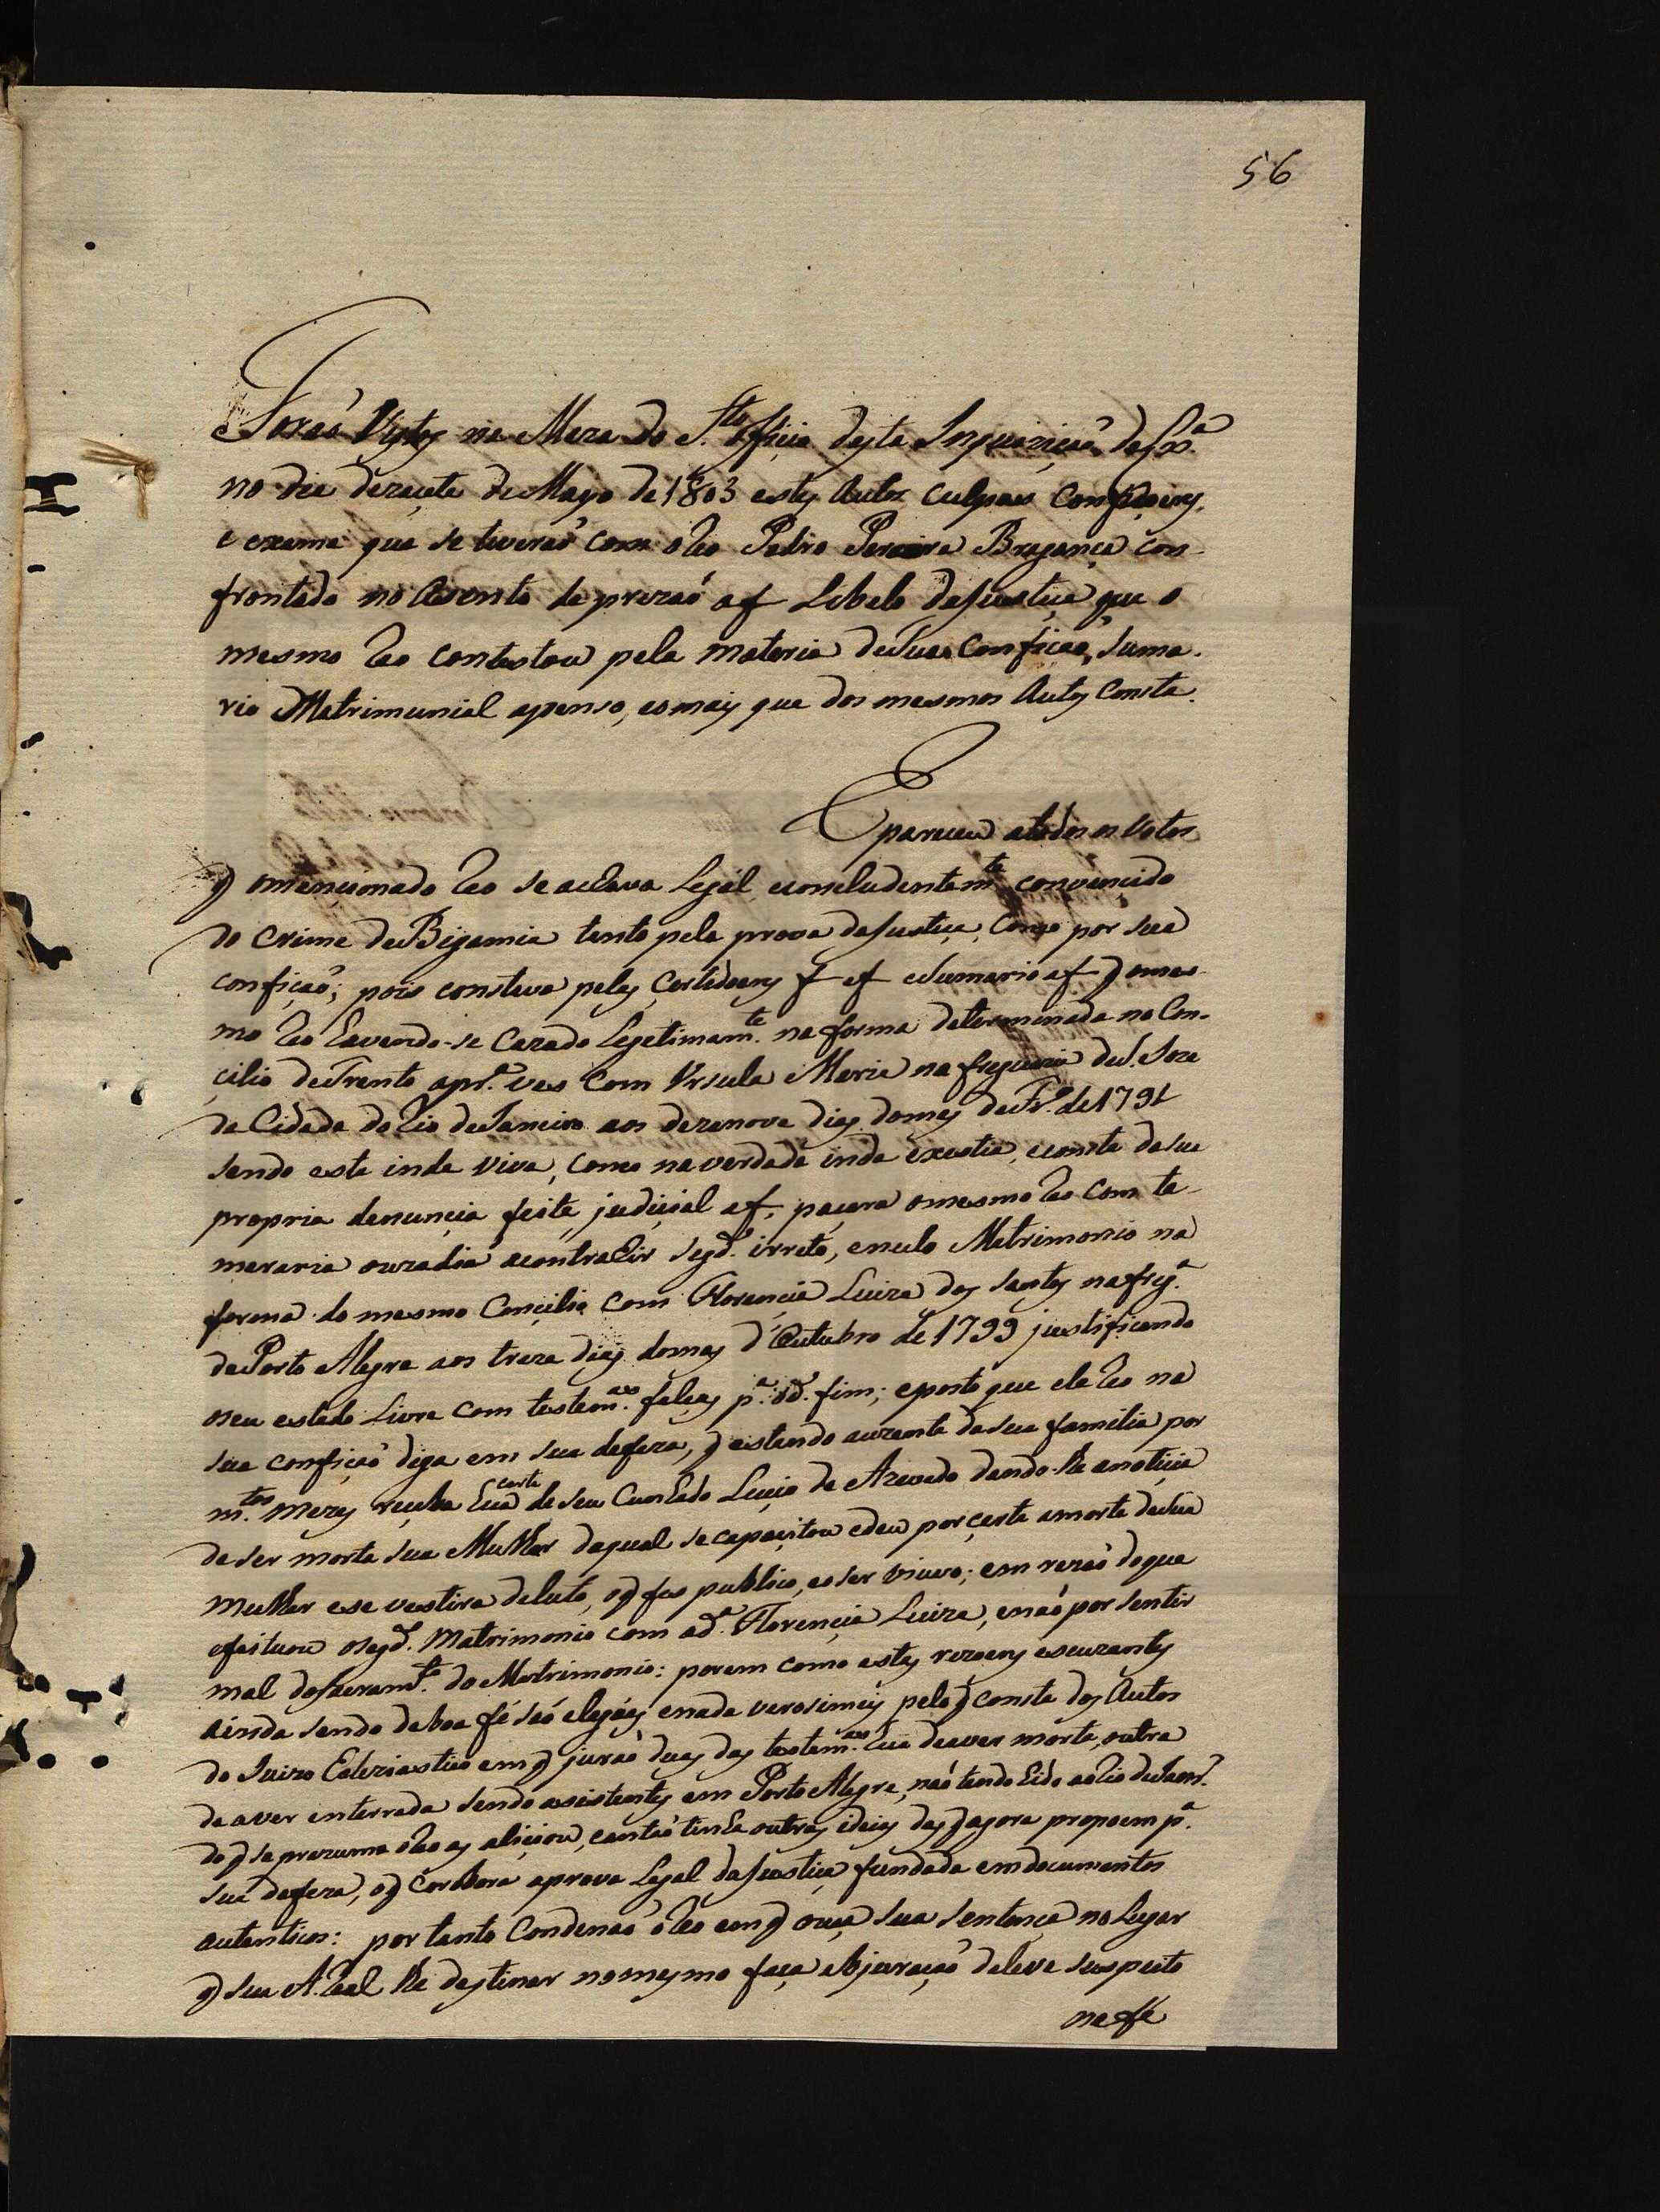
Foraõ Vistos na Meza do S.to Offiçio desta Inquiziçaõ de Lx.a
no dia dezaçete de Mayo de 1803 estes Autos culpas confiçoens,
e exame que se tiveraõ com o Reo Pedro Pereira Bragança con
frontado no asento de prezaõ a f Libelo da Justiça que o
mesmo Reo contestou pela materia de sua confiçaõ, suma
rio Matrimunial apenso, e o mais que dos mesmos Autos consta.
E pareceu a todos os votos
q̄ o mençionado Reo se achava Legal, e concludentem.te convençido
do crime de Bigamia tanto pela prova da Justiça, como por sua
confiçaõ; pois constava pelas certidoens f e f e Sumario a f q̄ o mes
mo Reo havendo-se cazado Legetimam.te na forma determinada no Con
cilio de Trento a pr.a ves com Vrsula Maria na freguezia de S. Ioze
da Cidade do Rio de Janeiro aos dezanove dias do mes de Fr.o de 1791
sendo esta inda viva, como na verdade inda exestia, e consta da sua
propria denunçia feita, judicial a f, paçara o mesmo Reo com te
meraria ouzadia a contrahir segd.o irreto, e nulo Matrimonio na
forma do mesmo Conçilio com Florençia Luiza dos Santos na freg.a
de Porto Alegre aos treze dias do mes d'Outubro de 1799 justificando
o seu estado Livre com testem.as falças p.a o d.o fim; e posto que ele Reo na
sua confiçaõ diga em sua defeza, q̄ estando auzente da sua familia por
m.tos mezes reçeba huā carta de seu Cunhado Luçio de Azevedo dando-lhe a notiçia
de ser morta sua Mulher da qual se capaçitou e deu por çerta a morte de sua
mulher e se vestira de luto, o q̄ fes publico, ao ser viuvo; em rezaõ do que
efeituou o segd.o Matrimonio com a d.a Florençia Luiza, e naõ por sentir
mal do Sacram.to do Matrimonio: porem como estas rezoens escuzantes
ainda sendo de boa fé saõ elegáes e nada verosimeis pelo q̄ consta dos Autos
do Iuizo Ecleziastico em q̄ juraõ duas das testem.as hua de a ver morta, outra
de a ver enterrada sendo asistentes em Porto Alegre, naõ tendo hido ao Rio de Ianr.o
do q̄ se prezuma o Reo as aliçiou, e entaõ tinha outras ideias das q̄ agora propoem p.a
sua defeza, o q̄ corobora a prova Legal da Justiça fundada em documentos
autenticos: por tanto condenaõ o Reo em q̄ ouça sua sentença no Lugar
q̄ Sua A. Real lhe destinar no mesmo faça abjuraçaõ de leve suspeito
na fé
56
